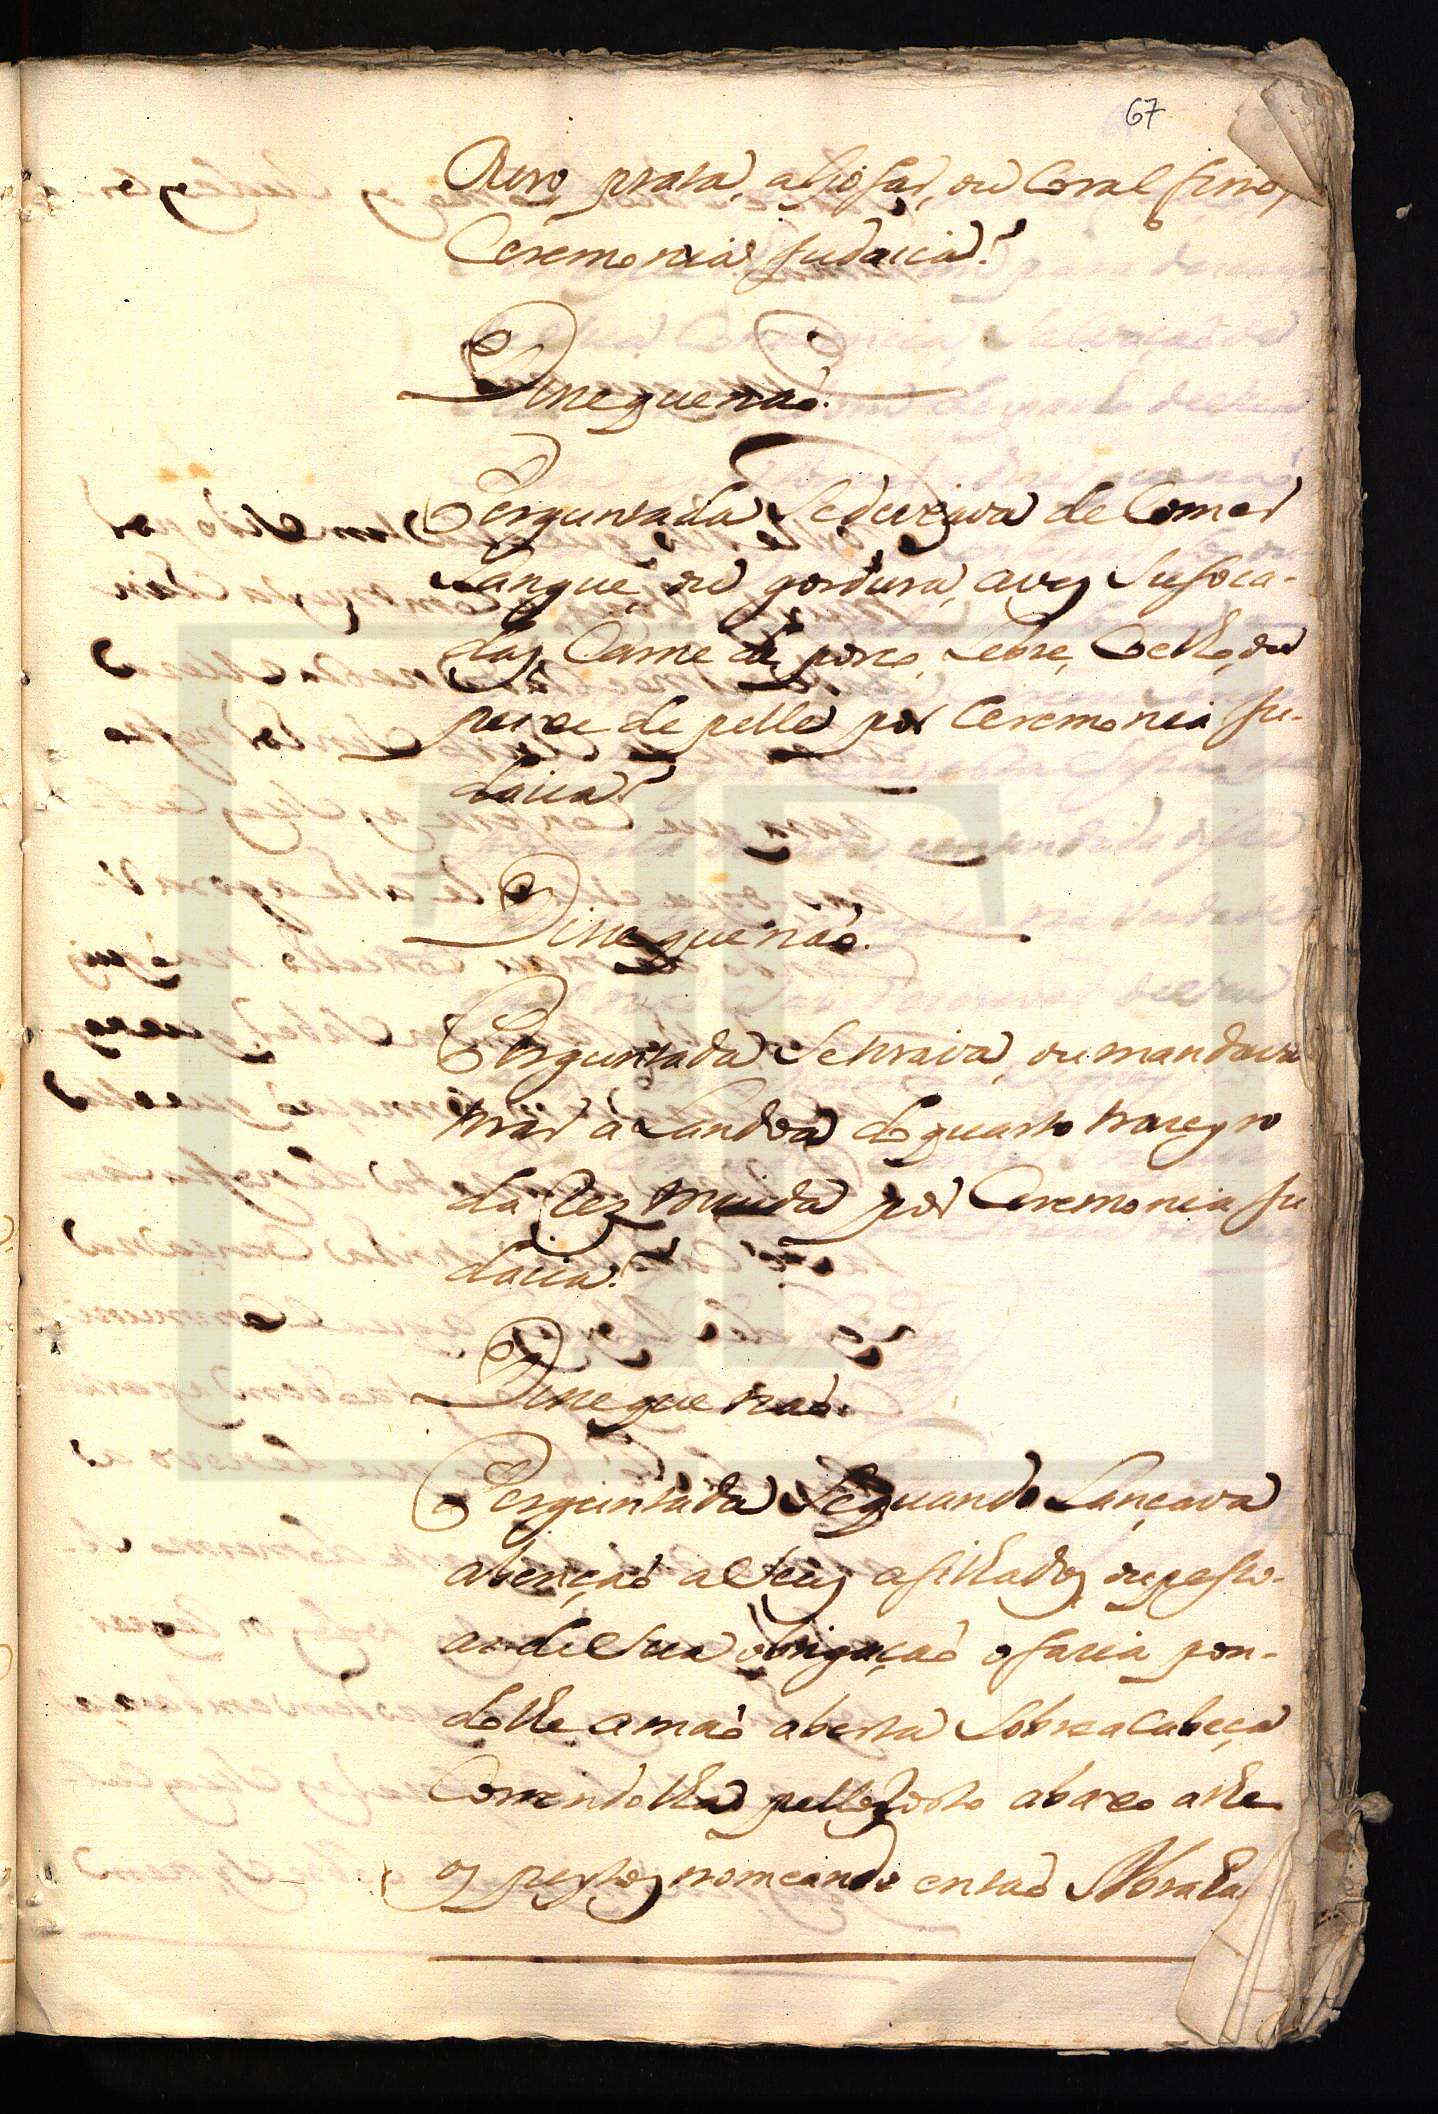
Ouro, prata, aljofar, ou coral fino _
Ceremonias Judaica?
Disse que naõ.
Perguntada se deixava de Comer
Sangue, ou gordura, aves sufoca
das, Carne de porco, Lebre, Coelho, ou
peixe de pelle por Ceremonia Ju
daica?
Disse que naõ.
Perguntada se tirava, ou mandava
tirar a Landoa do quarto trazeyro
da Rez miuda por Ceremonia Ju
daica.
Disse que naõ.
Perguntada se quando Lançava
a bençaõ a seus afilhados, ou pesso
as de sua obrigaçaõ o fazia pon
dolhe a maõ aberta sobre a cabeça
Correndolha pello Rosto abaxo athe
os peytos nomeando então Abraha
